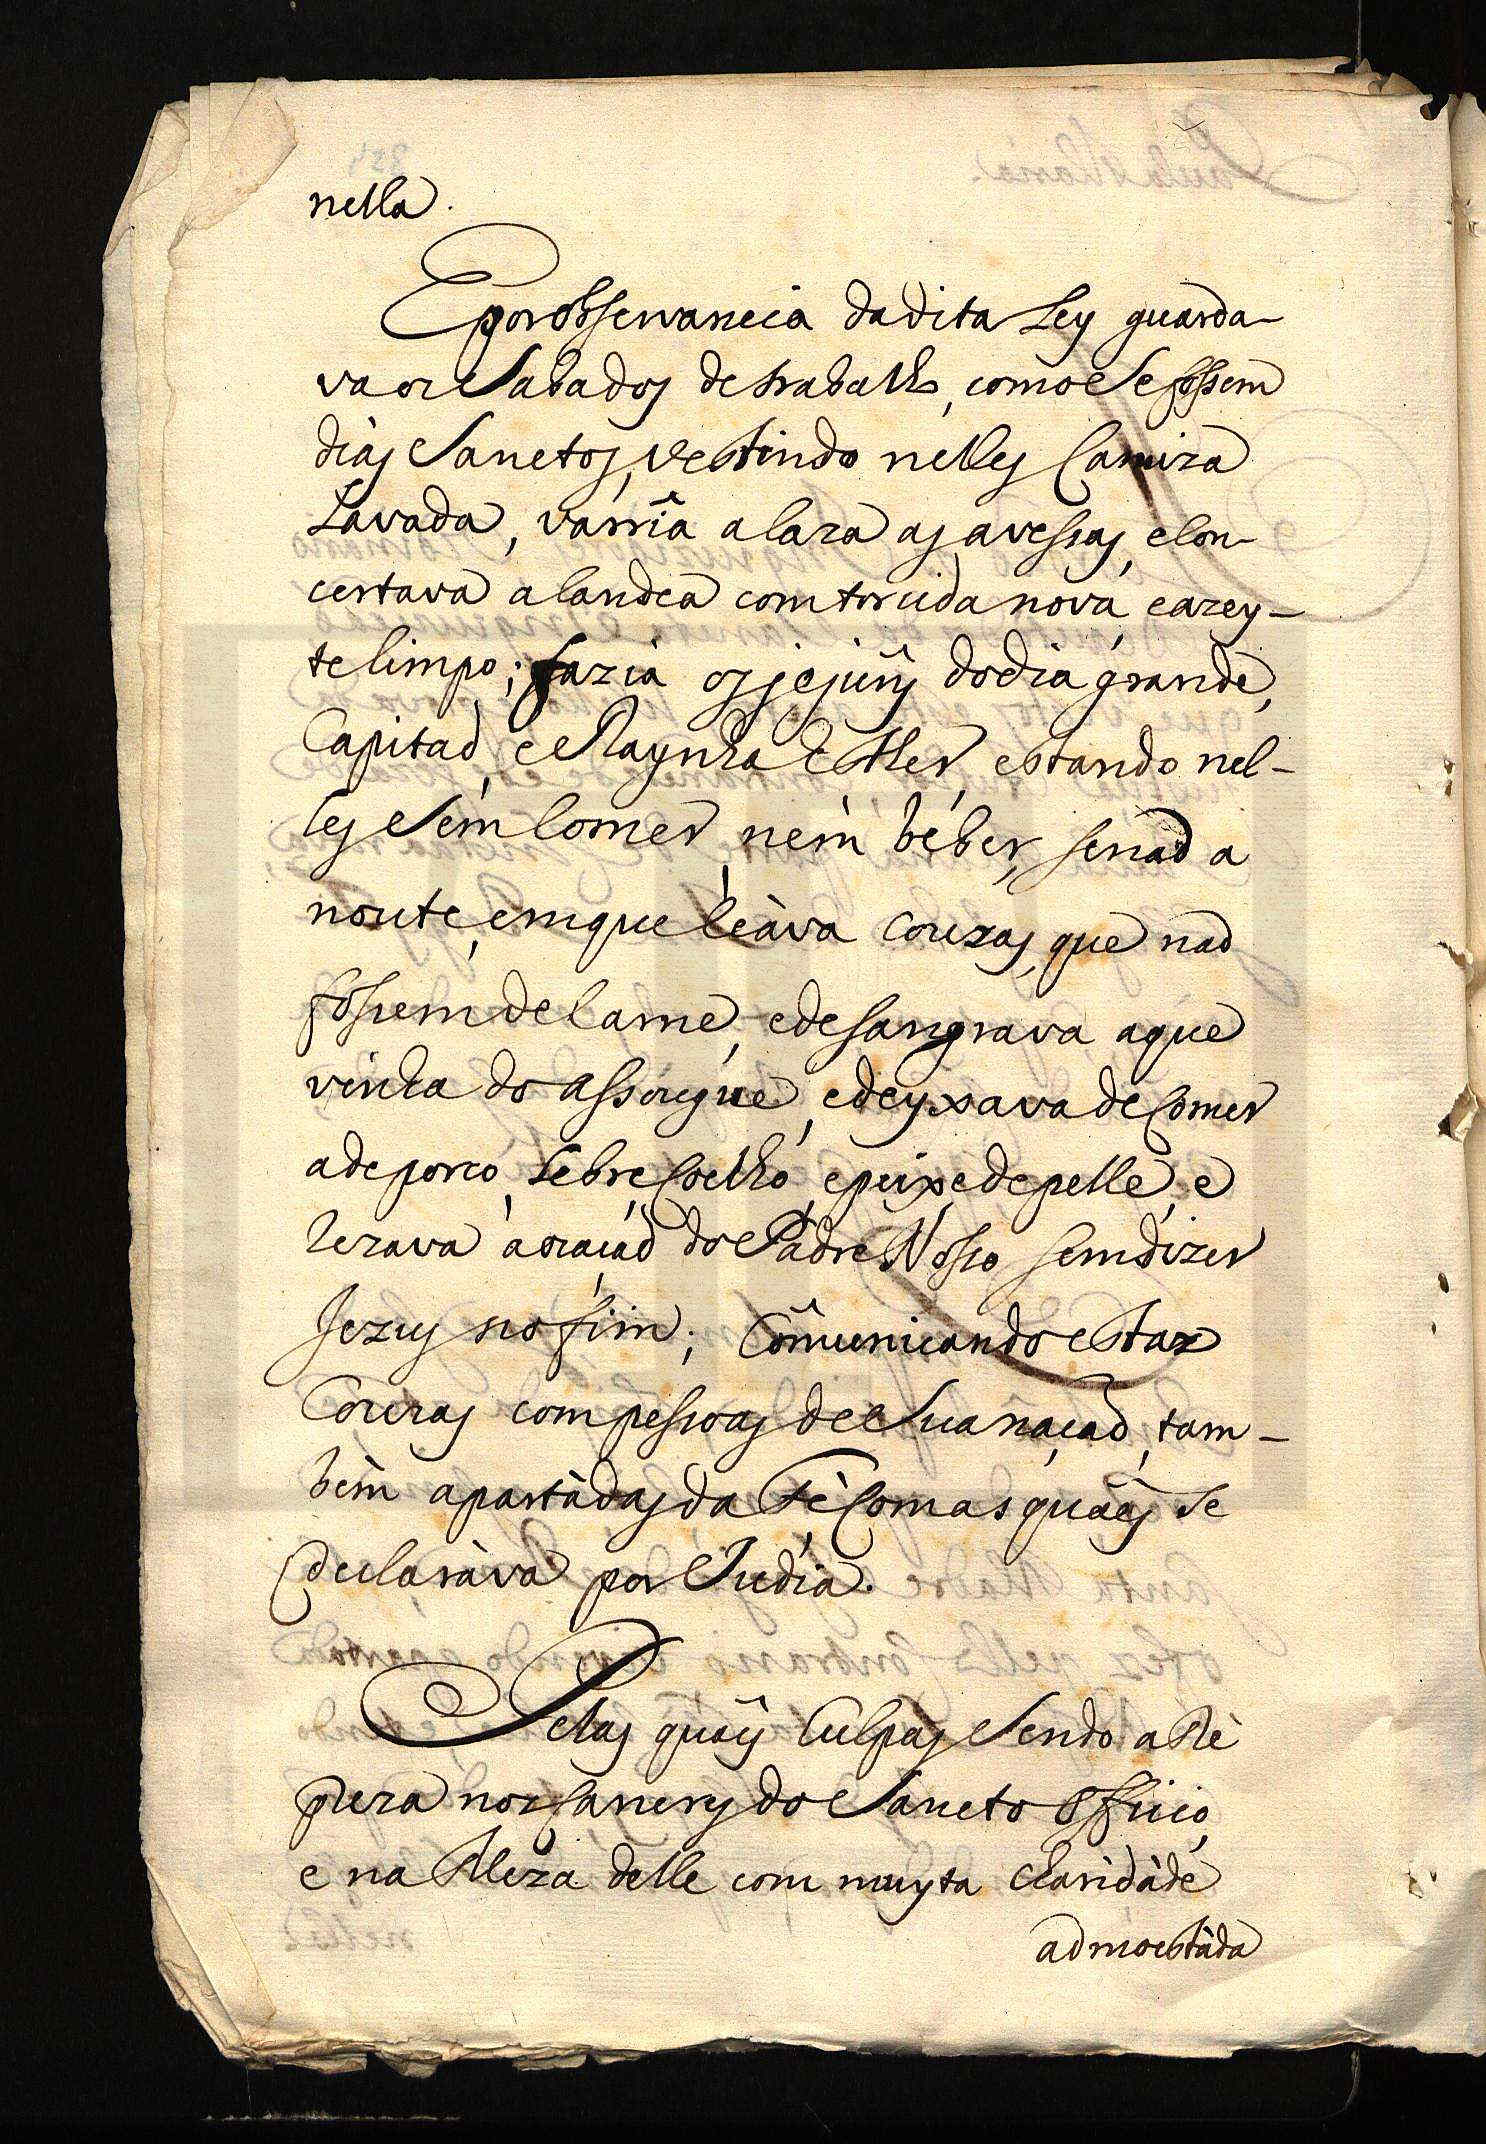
nella.
E por observancia da dita Ley guarda
va oz Sabados de trabalho, como se fossem
dias Sanctos, vestindo nelles Camiza
Lavada, varria a Caza as avessas, e Con
certava a Candea com torcida nova, e azey
te limpo; fazia os jejuns do dia grande,
Capitaõ, e Raynha Esther, estando nel
les Sem Comer nem beber, senaõ a
noute, em que Ceava couzas que naõ
fossem de Carne, e desangrava a que
vinha do assougue, e deyxava de Comer
a de porco, Lebre, Coelho, e peixe de pelle, e
Rezava a oraçaõ do Padre Nosso sem dizer
Jezus no fim; Com̄unicando estaz
Couzas com pessoas de Sua naçaõ, tam
bem apartadas da Fè Com as quaes se
declarava por Iudia.
Pelas quaes Culpas Sendo a Rè
preza noz Carceres do Sancto Officio,
e na Meza delle com muyta charidàde
admoestàda
